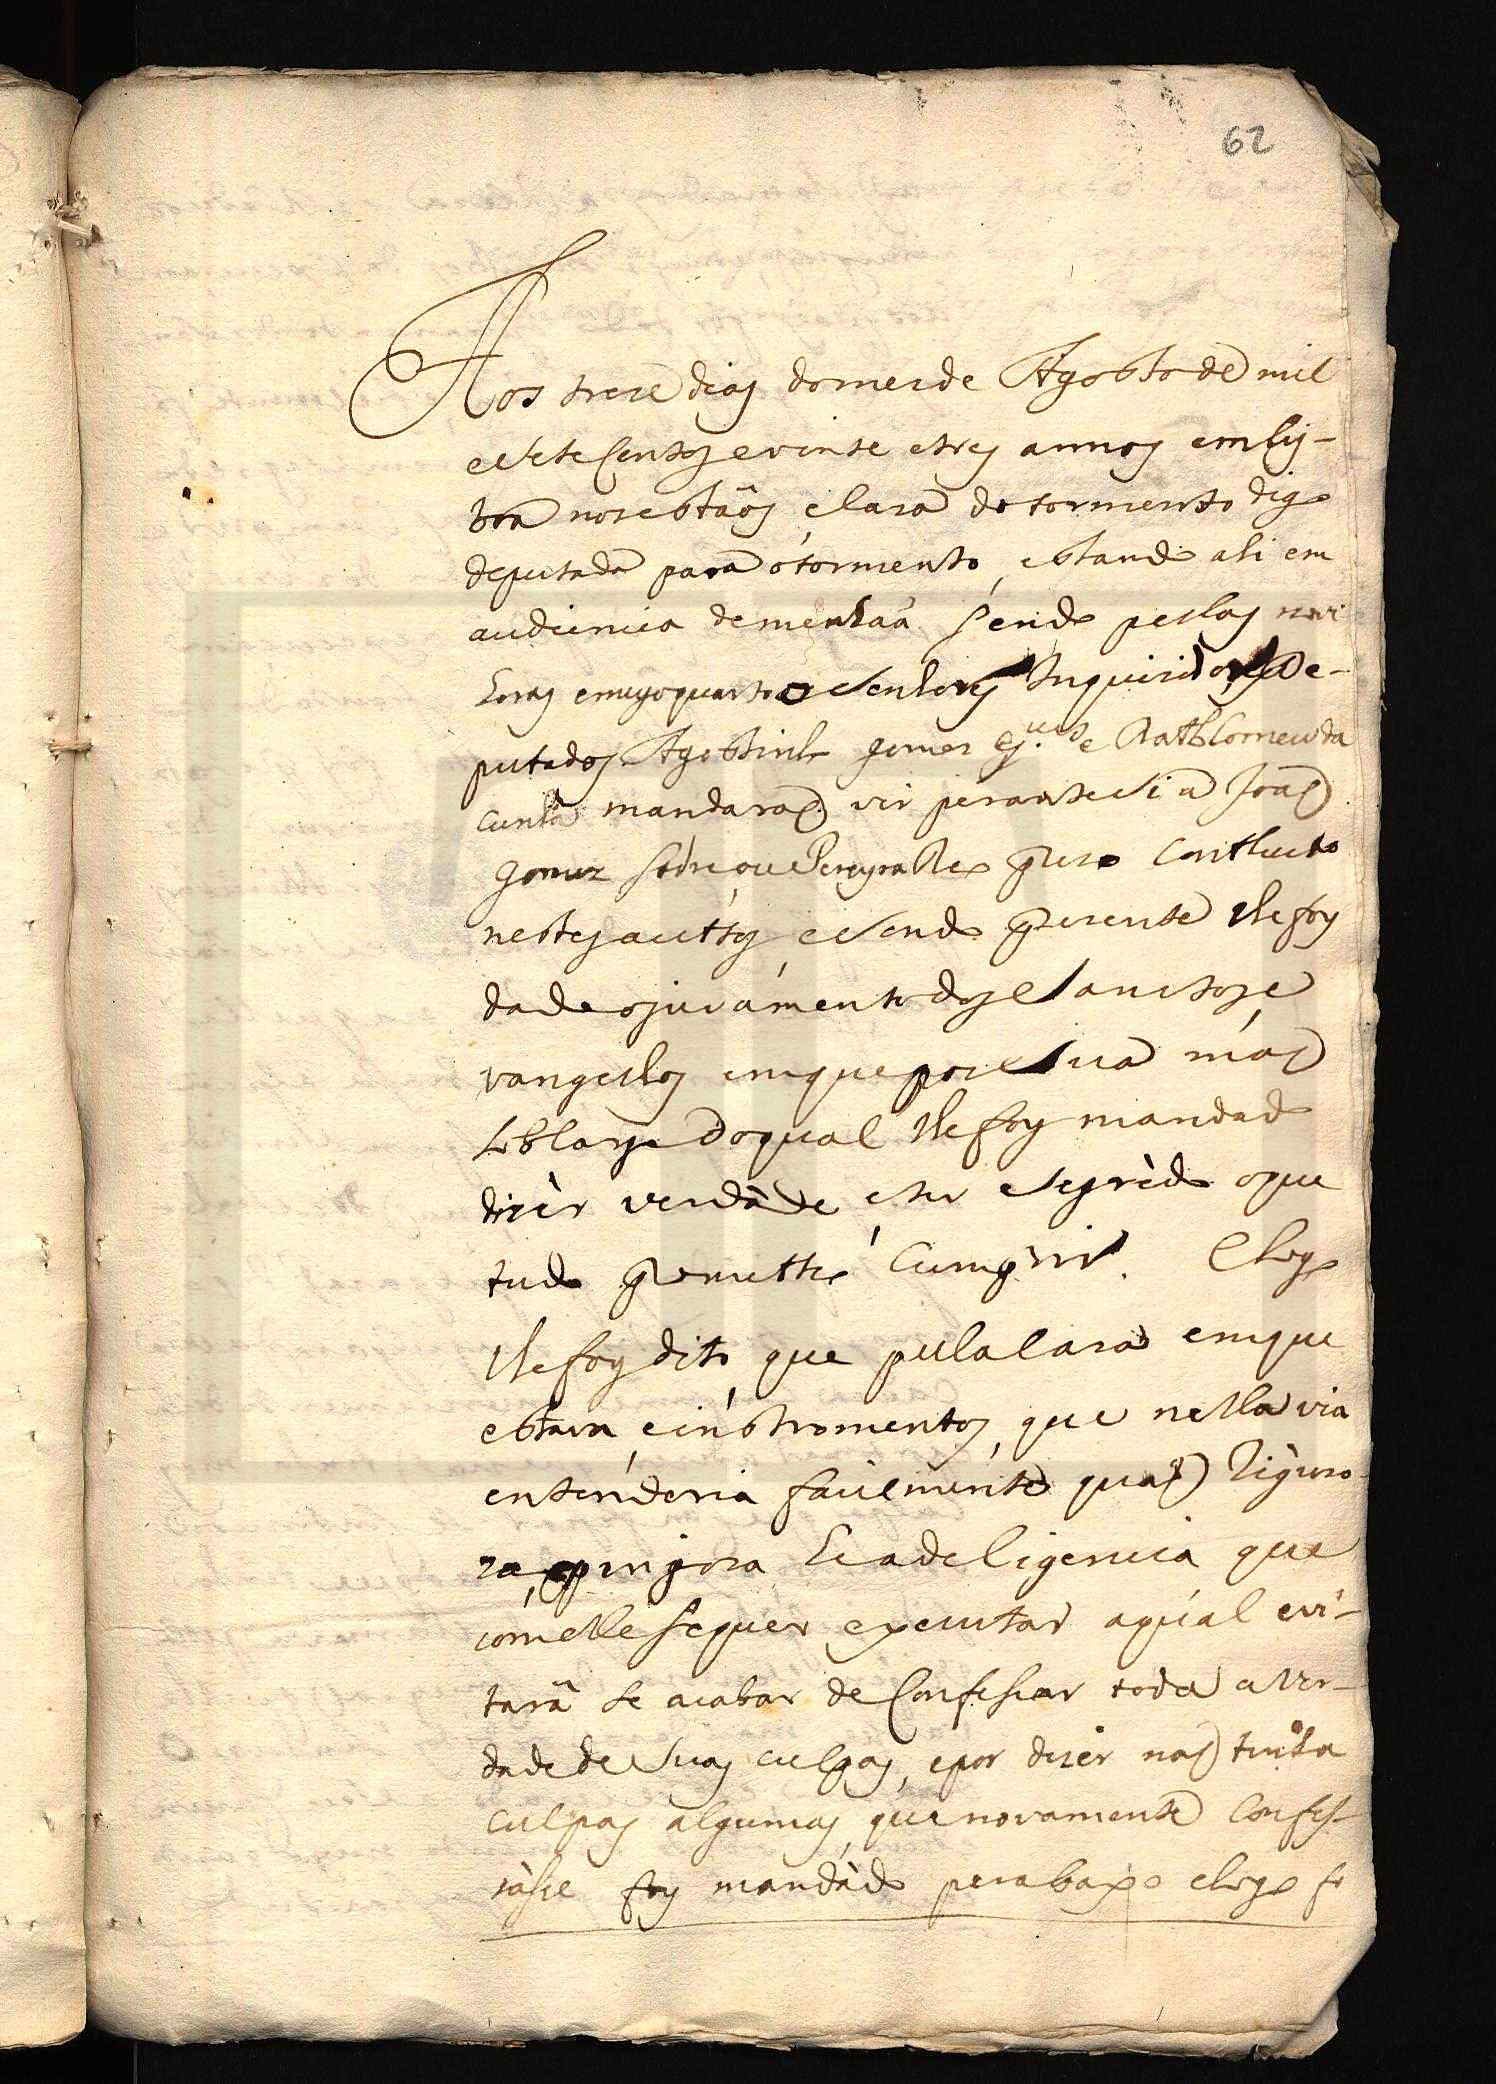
Aos treze dias do mes de Agosto de mil
e seteCentos e vinte e tres annos em lis
boa nos estaôs, e Caza do tormento digo
deputada para o tormento, estando ahi em
audiencia de menhaã sendo pellas nove
horas e meyo quarto o Senhores Inquizidores De
putados Agostinho gomes g.ues e Bathlomeu da
cunha mandaraõ vir perante si a Joaõ
gomez Sodre, ou Pereyra Reo prezo contheudo
nestes auttos, e Sendo prezente lhe foy
dado o juramento dos Sanctos, e
vangelhos em que pos Sua maõ
sob cargo do qual lhe foy mandado
dizèr verdàde, e ter segrèdo o que
tudo prometteo cumprir. E logo
lhe foy dito que pella caza em que
estava, e instromentos, que nella via
entenderia facilmente quaõ Riguro
za, e perigoza he a deligencia, que
com elle sequer executar a qual evi
tarâ se acabar de Confessar toda a ver
dade de Suas culpas, e por dizer naõ tinha
culpas algumas, que novamente Confes
sàsse foy mandàdo pera baxo e logo fo
